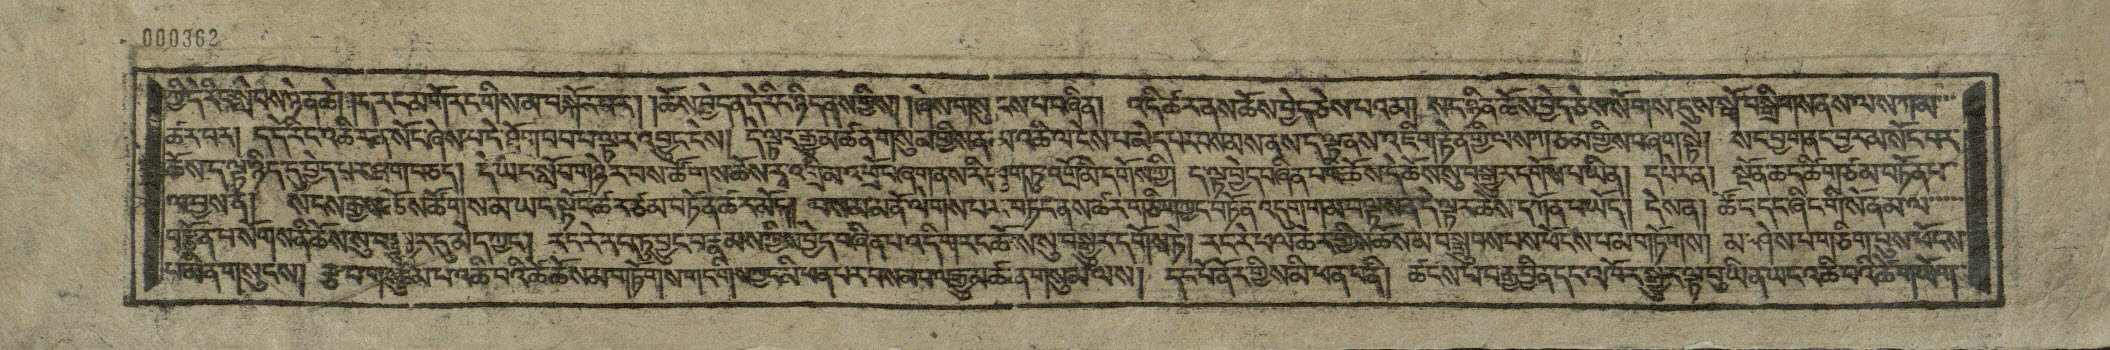ཀྱི་དེ་རིང་སླེབས་ཉེན་ཆེ། །ད་རང་མགོ་རང་གིས་མ་བསྐོར་བར། །ཆོས་བྱེད་ན་དེ་རིང་ཉིད་ནས་གྱིས། །ཞེས་གསུངས་པ་བཞིན། འདི་ཚར་ནས་ཆོས་བྱེད་ཅེས་པའམ། སང་ཉིན་ཆོས་བྱེད་ཅེས་སོགས་དུས་སྒོ་བསྒྲིགས་ནས་ལས་ཀ་མ་
ཚར་བར། ད་དེ་རིང་འཆི་རན་སོང་ཞེས་པ་དེ་ཐོག་བབ་པ་ལྟར་འབྱུང་ངེས། དེ་ལྟར་རྒྱུ་མཚན་གསུམ་གྱིས་ནམ་འཆི་ལ་ངེས་པ་མེད་པར་བསམས་ནས་ད་ལྟ་ནས་འཇིག་རྟེན་གྱི་ལས་ཀ་ཅམ་གྱིས་བཞག་སྟེ། སང་བྱ་གནང་བྱར་མ་སོང་བར་
ཆོས་ད་ལྟ་ཉིད་དུ་བྱེད་པར་ཐག་བཅད། དེ་ཡང་སློབ་གཉེར་བས་ཚོགས་ཆོས་རྭ་འགྲིམ་འཕྲོ་བཞག་ནས་རི་ཕུག་ཏུ་འགྲོ་མི་དགོས་ཀྱི། ད་ལྟ་བྱེད་བཞིན་པའི་ཆོས་དེ་ཆོས་སུ་བསྒྱུར་དགོས་པ་ཡིན། དཔེར་ན། སྔོན་ཆད་ཚིག་ཙམ་བཏོན་པ་
ལ་བྱས་ན། སངས་རྒྱས་ཆོས་ཚོགས་མ་ཡང་སྟོང་ཚར་ཙམ་བཏོན་ཚར་མོད། བསམ་མ་ནོ་ལེགས་པར་བཏང་ནས་ཚར་གཅིག་ཀྱང་བཏོན་འདུག་གམ་བལྟས་ན་དེ་ལྟར་ཆེས་དཀོན་པ་ཡོད། དེས་ན། ཚོང་དང་ཞིང་གི་སོ་ནམ་ལ་
བརྩོན་པ་སོགས་ནི་ཆོས་སུ་བསྒྱུར་དུ་མེད་ཀྱང་། རང་རེ་རབ་ཏུ་བྱུང་བ་རྣམས་ཀྱིས་བྱེད་བཞིན་པ་འདི་ག་རང་ཆོས་སུ་བསྒྱུར་དགོས་ཏེ། རང་རེ་ཕལ་ཆེར་གྱིས་ཆོས་མ་བསྒྲུབས་པས་ཕོངས་པ་མ་གཏོགས། མ་ཤེས་པ་གཅིག་པུས་ཕོངས་
པ་མིན་གསུངས། རྩ་བ་གསུམ་པ་འཆི་བའི་ཚེ་ཆོས་མ་གཏོགས་གང་གིས་ཀྱང་མི་ཕན་པར་བསམ་པ་ལ་རྒྱུ་མཚན་གསུམ་ལས། དང་པོ་ནོར་གྱིས་མི་ཕན་པ་ནི། ཚངས་པ་བརྒྱ་བྱིན་དང་འཁོར་སྒྱུར་ལྟ་བུ་ཡིན་ཡང་འཆི་བའི་ཚེ་གཡོག་